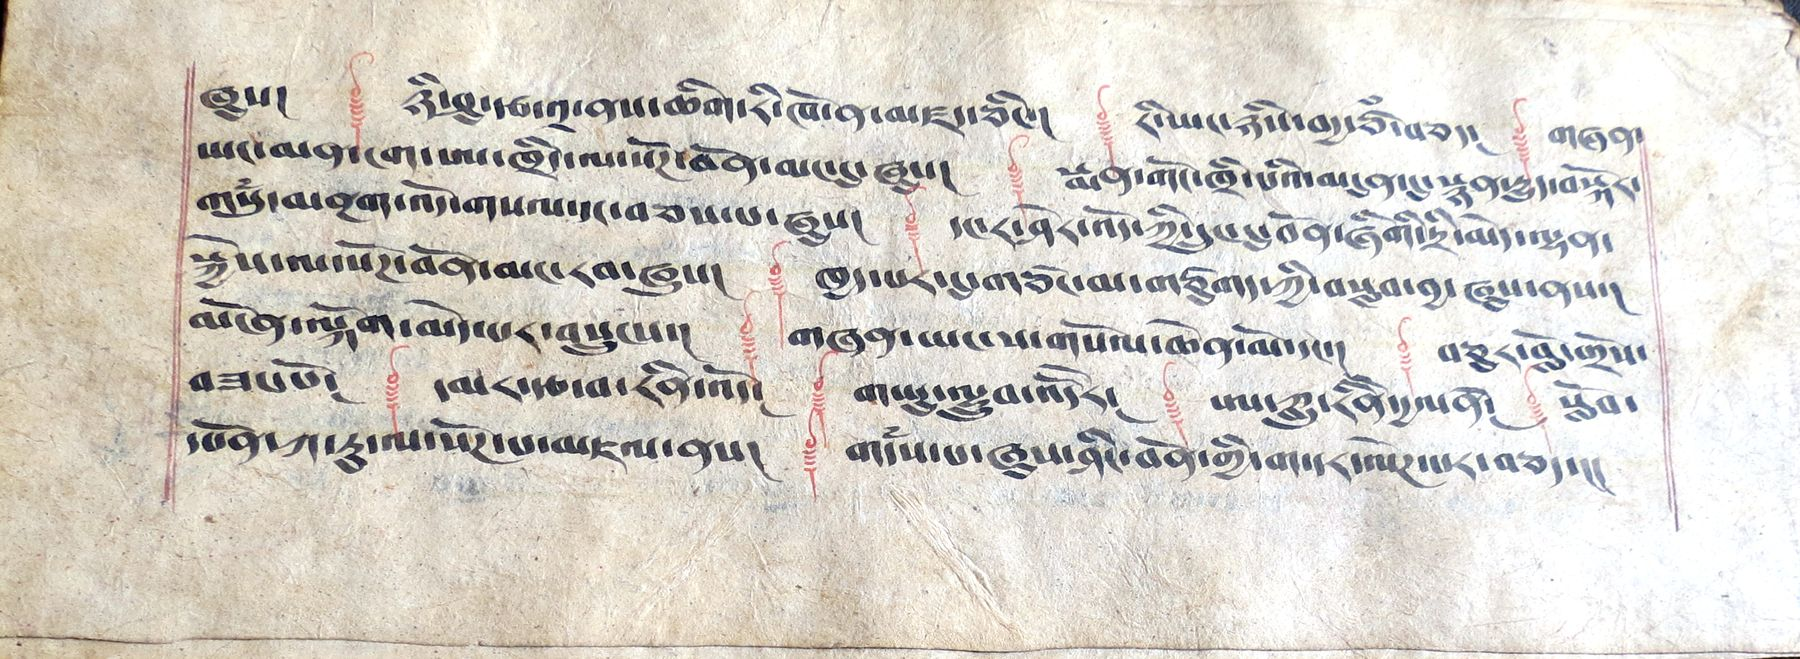ཞུས། ཉི་ཤུ་རྩ་ལྔ་ནས་ཆིག་རི་ཁོ་ན་མཛད་ཅིང་རི་ཡང་ཉིས་བརྒྱ་ཙམ་བཅད། གཞན་
ཡང་མན་ངག་ཨ་ཁྲིད་ལ་སོགས་བོན་མང་དུ་ཞུས། སྨན་གོང་ཁྲི་པའི་མདུན་དུ་སྙན་རྒྱུད་སྐོར་
གསུམ་མན་ངག་འོད་གསལ་དང་བཅས་པ་ཞུས། དང་ར་ཤེལ་འོད་ཀྱི་དྲུང་དུ་བོན་ཞིག་གི་དྲི་མེད་ལྷན་
སྐྱེས་ལ་སོགས་བོན་མང་རབ་ཞུས། ཁྱད་པར་དུ་གཙང་མ་གཙུག་ཕུད་ཀྱི་བསླབ་བྱ་ཞུས་ནས་
མངོན་ལྐོག་མེད་པར་བསྲུངས། གཞན་ཡང་ས་གསོལ་ཆེན་མོ་དང་། གཅུར་བློ་གྲོས་
བཟང་པོ། དམར་རྩ་བ་རིན་འོད། གཡུ་ལྷུན་གྲུབ་འོད་ཟེར། ཨ་ཀླུ་རིན་ཆེན་རྒྱལ་མཚན། སློབ་
དཔོན་ཀ་རུ་ལ་སོགས་པ་མཇལ་ནས། གདམས་པ་ཞུས་ཤིང་བོན་གྱི་ག་དར་ལེགས་པར་བཅད།